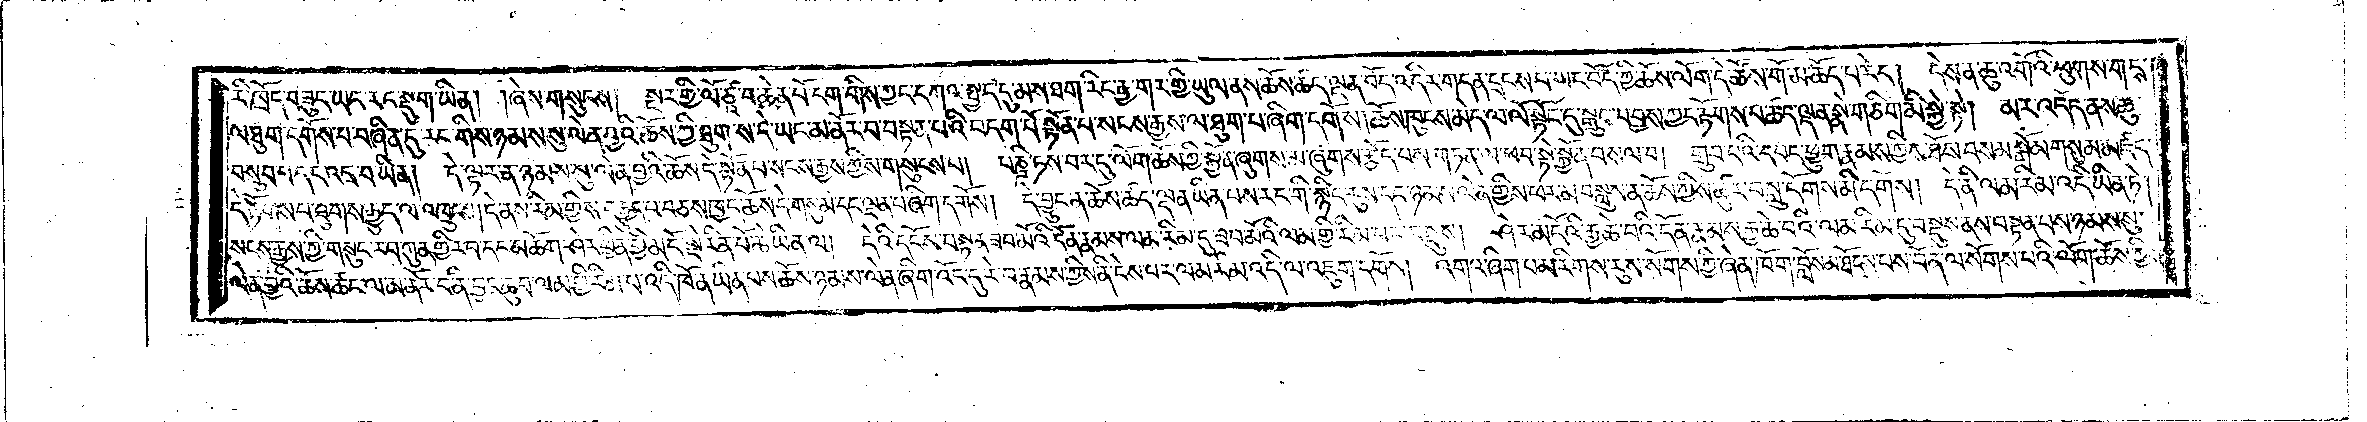རི་ཁྲོད་བཟུང་ཡང་རང་སྡུག་ཡིན། །ཞེས་གསུངས། སྔར་གྱི་ལོ་ཙཱ་བ་ཆེན་པོ་དག་གིས་ཀྱང་དཀའ་སྤྱད་དུ་མས་ཐག་རིང་རྒྱ་གར་གྱི་ཡུལ་ནས་ཆོས་ཚད་ལྡན་བོད་འདིར་གདན་དྲངས་པ་ཡང་བོད་ཀྱི་ཆོས་ལོག་དེ་ཚོས་གོ་མ་ཆོད་པ་རེད། དེས་ན་ཆུ་འགོའི་ཕུགས་གངས་
ལ་ཐུག་དགོས་པ་བཞིན་དུ་རང་གིས་ཉམས་སུ་ལེན་བྱའི་ཆོས་ཀྱི་ཐུགས་དེ་ཡང་མ་ནོར་བ་བསྟན་པའི་བདག་པོ་སྟོན་པ་སངས་རྒྱས་ལ་ཐུག་པ་ཞིག་དགོས། ཆོས་ཁུངས་མེད་ལ་ལོ་སྟོང་དུ་སྒྲུབ་པ་བྱས་ཀྱང་རྟོགས་པ་ཚད་ལྡན་སྣེ་གཅིག་མི་སྐྱེ་སྟེ། མར་འདོད་ནས་ཆུ་
བསྲུབ་པ་དང་འདྲ་བ་ཡིན། དེ་ལྟར་ན་ཉམས་སུ་ལེན་བྱའི་ཆོས་དེ་སྟོན་པ་སངས་རྒྱས་ཀྱིས་གསུངས་པ། པཎྜི་ཏས་བར་དུ་ལོག་ཆོས་ཀྱི་སྐྱོན་ཞུགས་མ་ཞུགས་རྩོད་པས་གཏན་ལ་ཕབ་སྟེ་སྐྱོན་བསལ་བ། གྲུབ་པའི་དབང་ཕྱུག་རྣམས་ཀྱིས་ཐོས་བསམ་སྒོམ་གསུམ་མཛད་
དེ་རྟོགས་པ་ཐུགས་རྒྱུད་ལ་འཁྲུངས། དེ་ནས་རིམ་གྱིས་བརྒྱུད་པ་བཅས་ཁྱད་ཆོས་དེ་གསུམ་དང་ལྡན་པ་ཞིག་དགོས། དེ་བྱུང་ན་ཆོས་ཚད་ལྡན་ཡིན་པས་རང་གི་སྙིང་རུས་དང་ཉམས་ལེན་གྱིས་ཕར་མ་བསླུས་ན་ཆོས་ཀྱིས་ཚུར་བསླུ་དོགས་མི་དགོས། དེ་ནི་ལམ་རིམ་འདི་ཡིན་ཏེ།
སངས་རྒྱས་ཀྱི་གསུང་རབ་ཀུན་གྱི་རབ་དང་མཆོག་ཤེར་ཕྱིན་གྱི་མདོ་སྡེ་རིན་པོ་ཆེ་ཡིན་ལ། དེའི་དངོས་བསྟན་ཟབ་མོའི་དོན་རྣམས་ལམ་རིམ་དུ་ཟབ་མོའི་ལམ་གྱི་རིམ་པར་བསྡུས། ཤེར་མདོའི་རྒྱ་ཆེ་བའི་དོན་རྣམས་རྒྱ་ཆེ་བའི་ལམ་རིམ་དུ་བསྡུས་ནས་བསྟན་པས་ཉམས་སུ་
ལེན་བྱའི་ཆོས་ཚང་ལ་མ་ནོར་བ་ནི་བྱང་ཆུབ་ལམ་གྱི་རིམ་པ་འདི་ཁོ་ན་ཡིན་པས་ཆོས་ཉམས་ལེན་ཞིག་འོང་དུ་རེ་བ་རྣམས་ཀྱིས་ནི་ངེས་པར་ལམ་རིམ་འདི་ལ་འཇུག་དགོས། འགའ་ཞིག་ཕ་མ་རིགས་རུས་སོགས་ཀྱི་ཞེན་ཁོག་བློས་མཐོངས་པས་བོན་ལ་སོགས་པའི་ལོག་ཆོས་ཀྱིས་